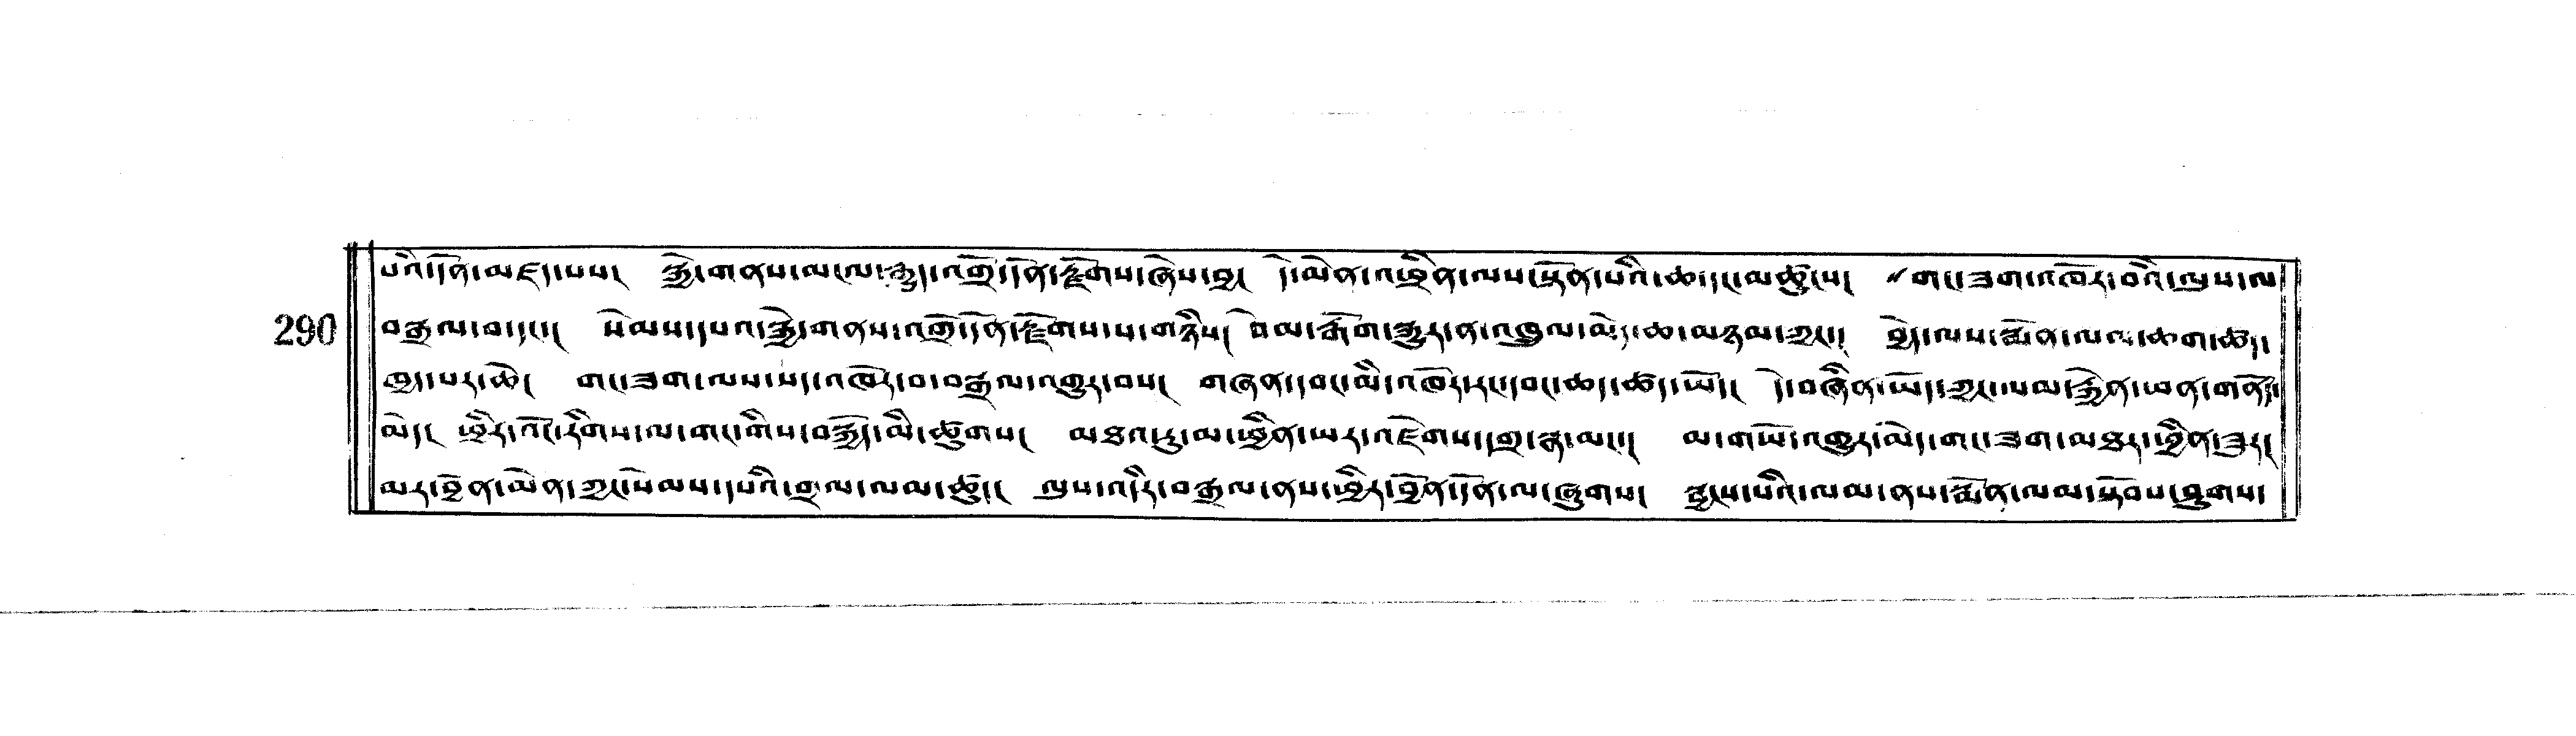པའི་དོན་མཛད་པས། སྐྱེ་གནས་མངལ་རྒྱུད་འགྲོ་དོན་རྫོགས་ཞེས་བྱ། དེ་མེན་འཕྲིན་ལས་སྟོན་པའི་ཆ་དང་མཚུངས། ༧ གང་ཟག་འཁོར་བའི་ལུས་ལ་
བསྒྲལ་བ་དང་། སེམས་དཔའ་སྐྱེ་གནས་འགྲོ་དོན་རྫོགས་པ་གཉིས། བེམ་རྒོག་བསྐྱུར་ན་འཁྲུལ་མེད་ཆ་མཉམ་ཡང་། བྱེད་ལས་སྨོན་ལམ་ཆག་ཚད་
ཁྱད་པར་ཆེ། གང་ཟག་ལས་སད་འཁོར་བ་བསྒྲལ་གྱུར་པས། གཞན་དབང་མི་འཁོར་རང་དབང་ཆག་ཚད་ཡོད། དེ་བཞིན་ཡོད་ཀྱང་ལམ་རྐྱེན་ཕན་གནོད་
མེད། ཕྱིར་འོང་རིགས་ལ་གང་གིས་བསྐྱེད་མི་ཚུགས། མཐའ་རུ་མ་ཕྱིན་ཡར་འཛེགས་དགྲ་སྣ་མང་། མ་གཡོ་འགྱུར་མེད་གང་ཟག་མཐར་ཕྱིན་ཟུར། 
མ་བྱིན་ལེན་ཀྱང་སེམས་དཔའི་གྲལ་ལམ་ཚུད། ལུས་འདིར་བསྒྲལ་ནས་ཕྱིར་བྱོན་དོན་ལ་ཞུགས། སྦྱངས་པའི་ལམ་ནས་སྨོན་ལམ་སྟོབས་ཤུགས།